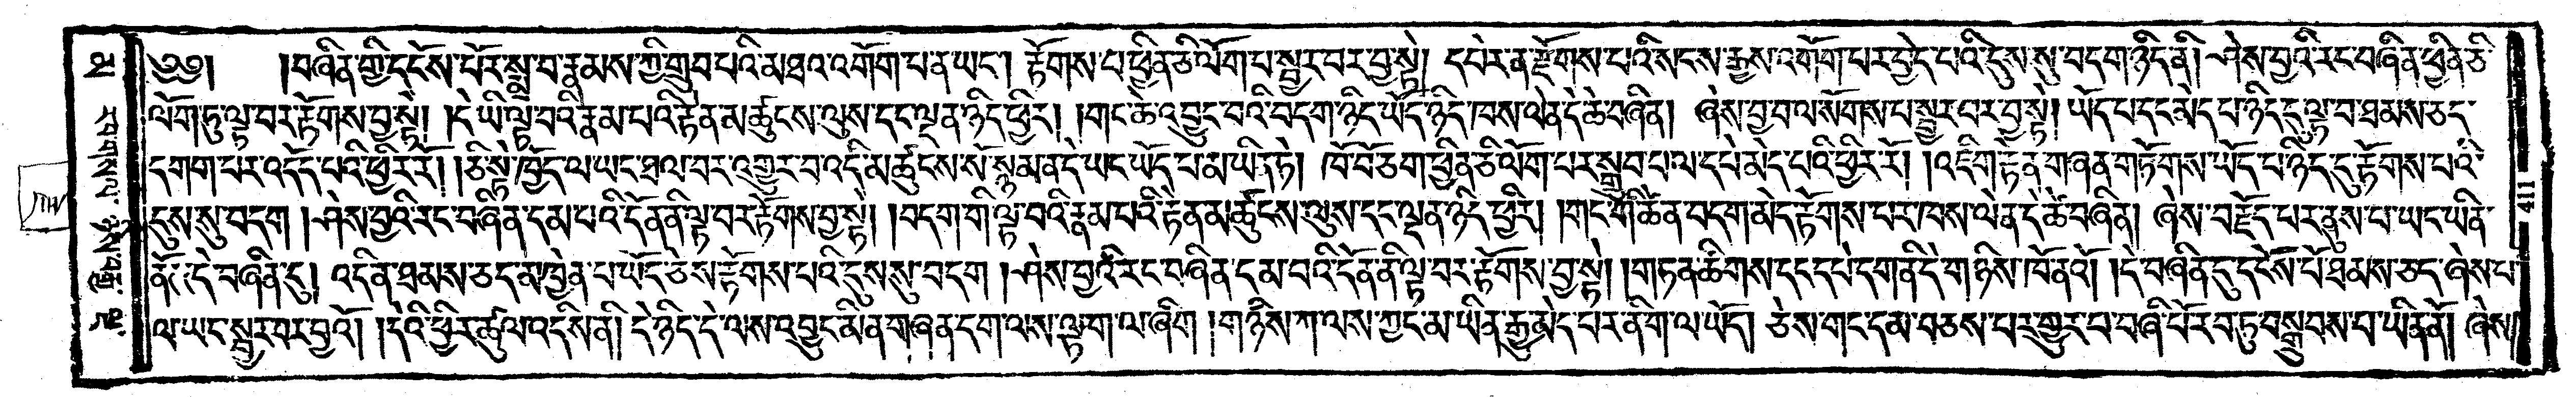༄༅། །བཞིན་གྱི་དངོས་པོར་སྨྲ་བ་རྣམས་ཀྱི་གྲུབ་པའི་མཐའ་འགོག་པ་ན་ཡང་། རྟོགས་པ་ཕྱིན་ཅི་ལོག་པ་སྦྱར་བར་བྱ་སྟེ། དཔེར་ན་རྫོགས་པའི་སངས་རྒྱས་འགོག་པར་བྱེད་པའི་དུས་སུ་བདག་ཉིད་ནི། ཤེས་བྱའི་རང་བཞིན་ཕྱིན་ཅི་
ལོག་ཏུ་ལྟ་བར་རྟོགས་བྱ་སྟེ། །དེ་ཡི་ལྟ་བའི་རྣམ་པའི་རྟེན་མཚུངས་ལུས་དང་ལྡན་ཉིད་ཕྱིར། །གང་ཚེ་འབྱུང་བའི་བདག་ཉིད་ཡོད་ཉིད་ཁས་ལེན་དེ་ཚེ་བཞིན། ཞེས་བྱ་བ་ལ་སོགས་པ་སྦྱར་བར་བྱ་སྟེ། ཡོད་པ་དང་མེད་པ་ཉིད་དུ་ལྟ་བ་ཐམས་ཅད་
དགག་པར་འདོད་པའི་ཕྱིར་རོ། །ཅི་སྟེ་ཁྱོད་ལ་ཡང་ཐལ་བར་འགྱུར་བ་འདི་མཚུངས་སོ་སྙམ་ན་དེ་ཡང་ཡོད་པ་མ་ཡིན་ཏེ། ཁོ་བོ་ཅག་ཕྱིན་ཅི་ལོག་པར་སྒྲུབ་པ་ལ་དཔེ་མེད་པའི་ཕྱིར་རོ། །འཇིག་རྟེན་གཞན་གཏོགས་ཡོད་པ་ཉིད་དུ་རྟོགས་པའི་
དུས་སུ་བདག །ཤེས་བྱའི་རང་བཞིན་དམ་པའི་དོན་ནི་ལྟ་བར་རྟོགས་བྱ་སྟེ། །བདག་གི་ལྟ་བའི་རྣམ་པའི་རྟེན་མཚུངས་ལུས་དང་ལྡན་ཉིད་ཕྱིར། །གང་གི་ཚེ་ན་བདག་མེད་རྟོགས་པར་ཁས་ལེན་དེ་ཚེ་བཞིན། ཞེས་བརྗོད་པར་ནུས་པ་ཡང་ཡིན་
ནོ༑ ༑དེ་བཞིན་དུ། འདི་ན་ཐམས་ཅད་མཁྱེན་པ་ཡོད་ཅེས་རྟོགས་པའི་དུས་སུ་བདག །ཤེས་བྱའི་རང་བཞིན་དམ་པའི་དོན་ནི་ལྟ་བར་རྟོགས་བྱ་སྟེ། །གཏན་ཚིགས་དང་དཔེ་དག་ནི་དེ་གཉིས་ཁོ་ནའོ། །དེ་བཞིན་དུ་དངོས་པོ་ཐམས་ཅད་ཞེས་པ་
ལ་ཡང་སྦྱར་བར་བྱའོ། །དེའི་ཕྱིར་ཚུལ་འདིས་ནི། དེ་ཉིད་དེ་ལས་འབྱུང་མིན་གཞན་དག་ལས་ལྟ་ག་ལ་ཞིག །གཉིས་ཀ་ལས་ཀྱང་མ་ཡིན་རྒྱུ་མེད་པར་ནི་ག་ལ་ཡོད། ཅེས་གང་དམ་བཅས་བར་གྱུར་པ་བཞི་པོ་རབ་ཏུ་བསྒྲུབས་པ་ཡིན་ནོ། ཞེས་